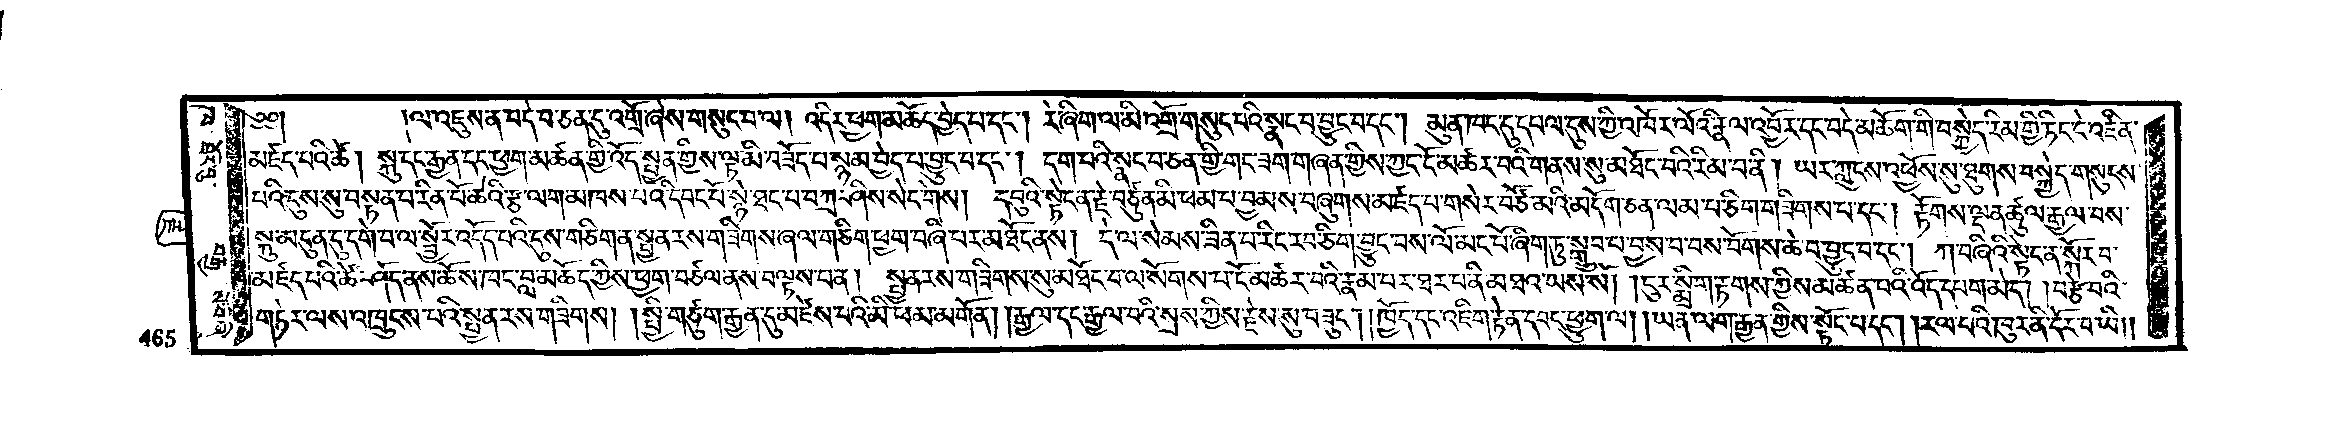༄༅། །ལ་འཇུས་ན་བདེ་བ་ཅན་དུ་འགྲོ་ཞེས་གསུང་བ་ལ། འདིར་ཕྱག་མཆོད་བྱེད་པ་དང་། རེ་ཞིག་ལ་མི་འགྲོ་གསུང་པའི་སྣང་བ་བྱུང་བ་དང་། མུན་ཁང་དུ་དཔལ་དུས་ཀྱི་འཁོར་ལོའི་རྣལ་འབྱོར་དང་བདེ་མཆོག་གི་བསྐྱེད་རིམ་གྱི་ཏིང་ངེ་འཛིན་
མཛད་པའི་ཚེ། སྐུ་དང་རྒྱན་དང་ཕྱག་མཚན་གྱི་འོད་སྤྱན་གྱིས་ལྟ་མི་བཟོད་པ་སྙམ་བྱེད་པ་བྱུང་བ་དང་། དག་པའི་སྣང་བ་ཅན་གྱི་གང་ཟག་གཞན་གྱིས་ཀྱང་ངོ་མཚར་བའི་གནས་སུ་མཐོང་བའི་རིམ་པ་ནི། ཡར་ཀླུངས་འཕྱོས་སུ་ཐུགས་བསྐྱེད་གསུངས་
པའི་དུས་སུ་བསྟན་པ་རིན་པོ་ཆེའི་རྩ་ལག་མཁས་པའི་དབང་པོ་སྙེ་ཐང་པ་བཀྲ་ཤིས་སེང་གེས། དབུའི་སྟེང་ན་རྗེ་བཙུན་མི་ཕམ་པ་བྱམས་བཞུགས་མཛད་པ་གསེར་བཙོ་མའི་མདོག་ཅན་ལམ་པ་ཅིག་གཟིགས་པ་དང་། རྟོགས་ལྡན་ཚུལ་རྒྱལ་བས་
སྐུ་མདུན་དུ་དགེ་བ་ལ་སྦྱོར་འདོད་པའི་དུས་གཅིག་ན་སྤྱན་རས་གཟིགས་ཞལ་གཅིག་ཕྱག་བཞི་པར་མཐོང་ནས། དེ་ལ་སེམས་ཟིན་པ་རིང་རབ་ཅིག་བྱུང་བས་ལོ་མང་པོ་ཞིག་ཏུ་སྒྲུབ་པ་བྱས་པ་བས་བོགས་ཆེ་བ་བྱུང་བ་དང་། ཀ་བཞིའི་སྟེང་ན་སྐོར་བ་
མཛད་པའི་ཚེ་ཤོད་ནས་ཆོས་ཁང་བླ་མཆོད་ཀྱིས་ཕྱག་བཙལ་ནས་བལྟས་པ་ན། སྤྱན་རས་གཟིགས་སུ་མཐོང་བ་ལ་སོགས་པ་ངོ་མཚར་བའི་རྣམ་པར་ཐར་པ་ནི་མཐའ་ཡས་སོ། །ངུར་སྨྲིག་རྟགས་ཀྱིས་མཚན་པའི་འོད་དཔག་མེད། །བརྩེ་བའི་
གཏེར་ལས་འཁྲུངས་པའི་སྤྱན་རས་གཟིགས། །སྤྱི་གཙུག་རྒྱན་དུ་མཛེས་པའི་མི་ཕམ་མགོན། །རྒྱལ་དང་རྒྱལ་བའི་སྲས་ཀྱིས་རྗེས་སུ་བཟུང་། །ཁྱོད་དང་འཇིག་རྟེན་དབང་ཕྱུག་ལ། །ཡན་ལག་རྒྱན་གྱིས་སྟོང་པ་དང་། །རལ་པའི་ཁུར་ནི་དོར་བ་ཡི། །